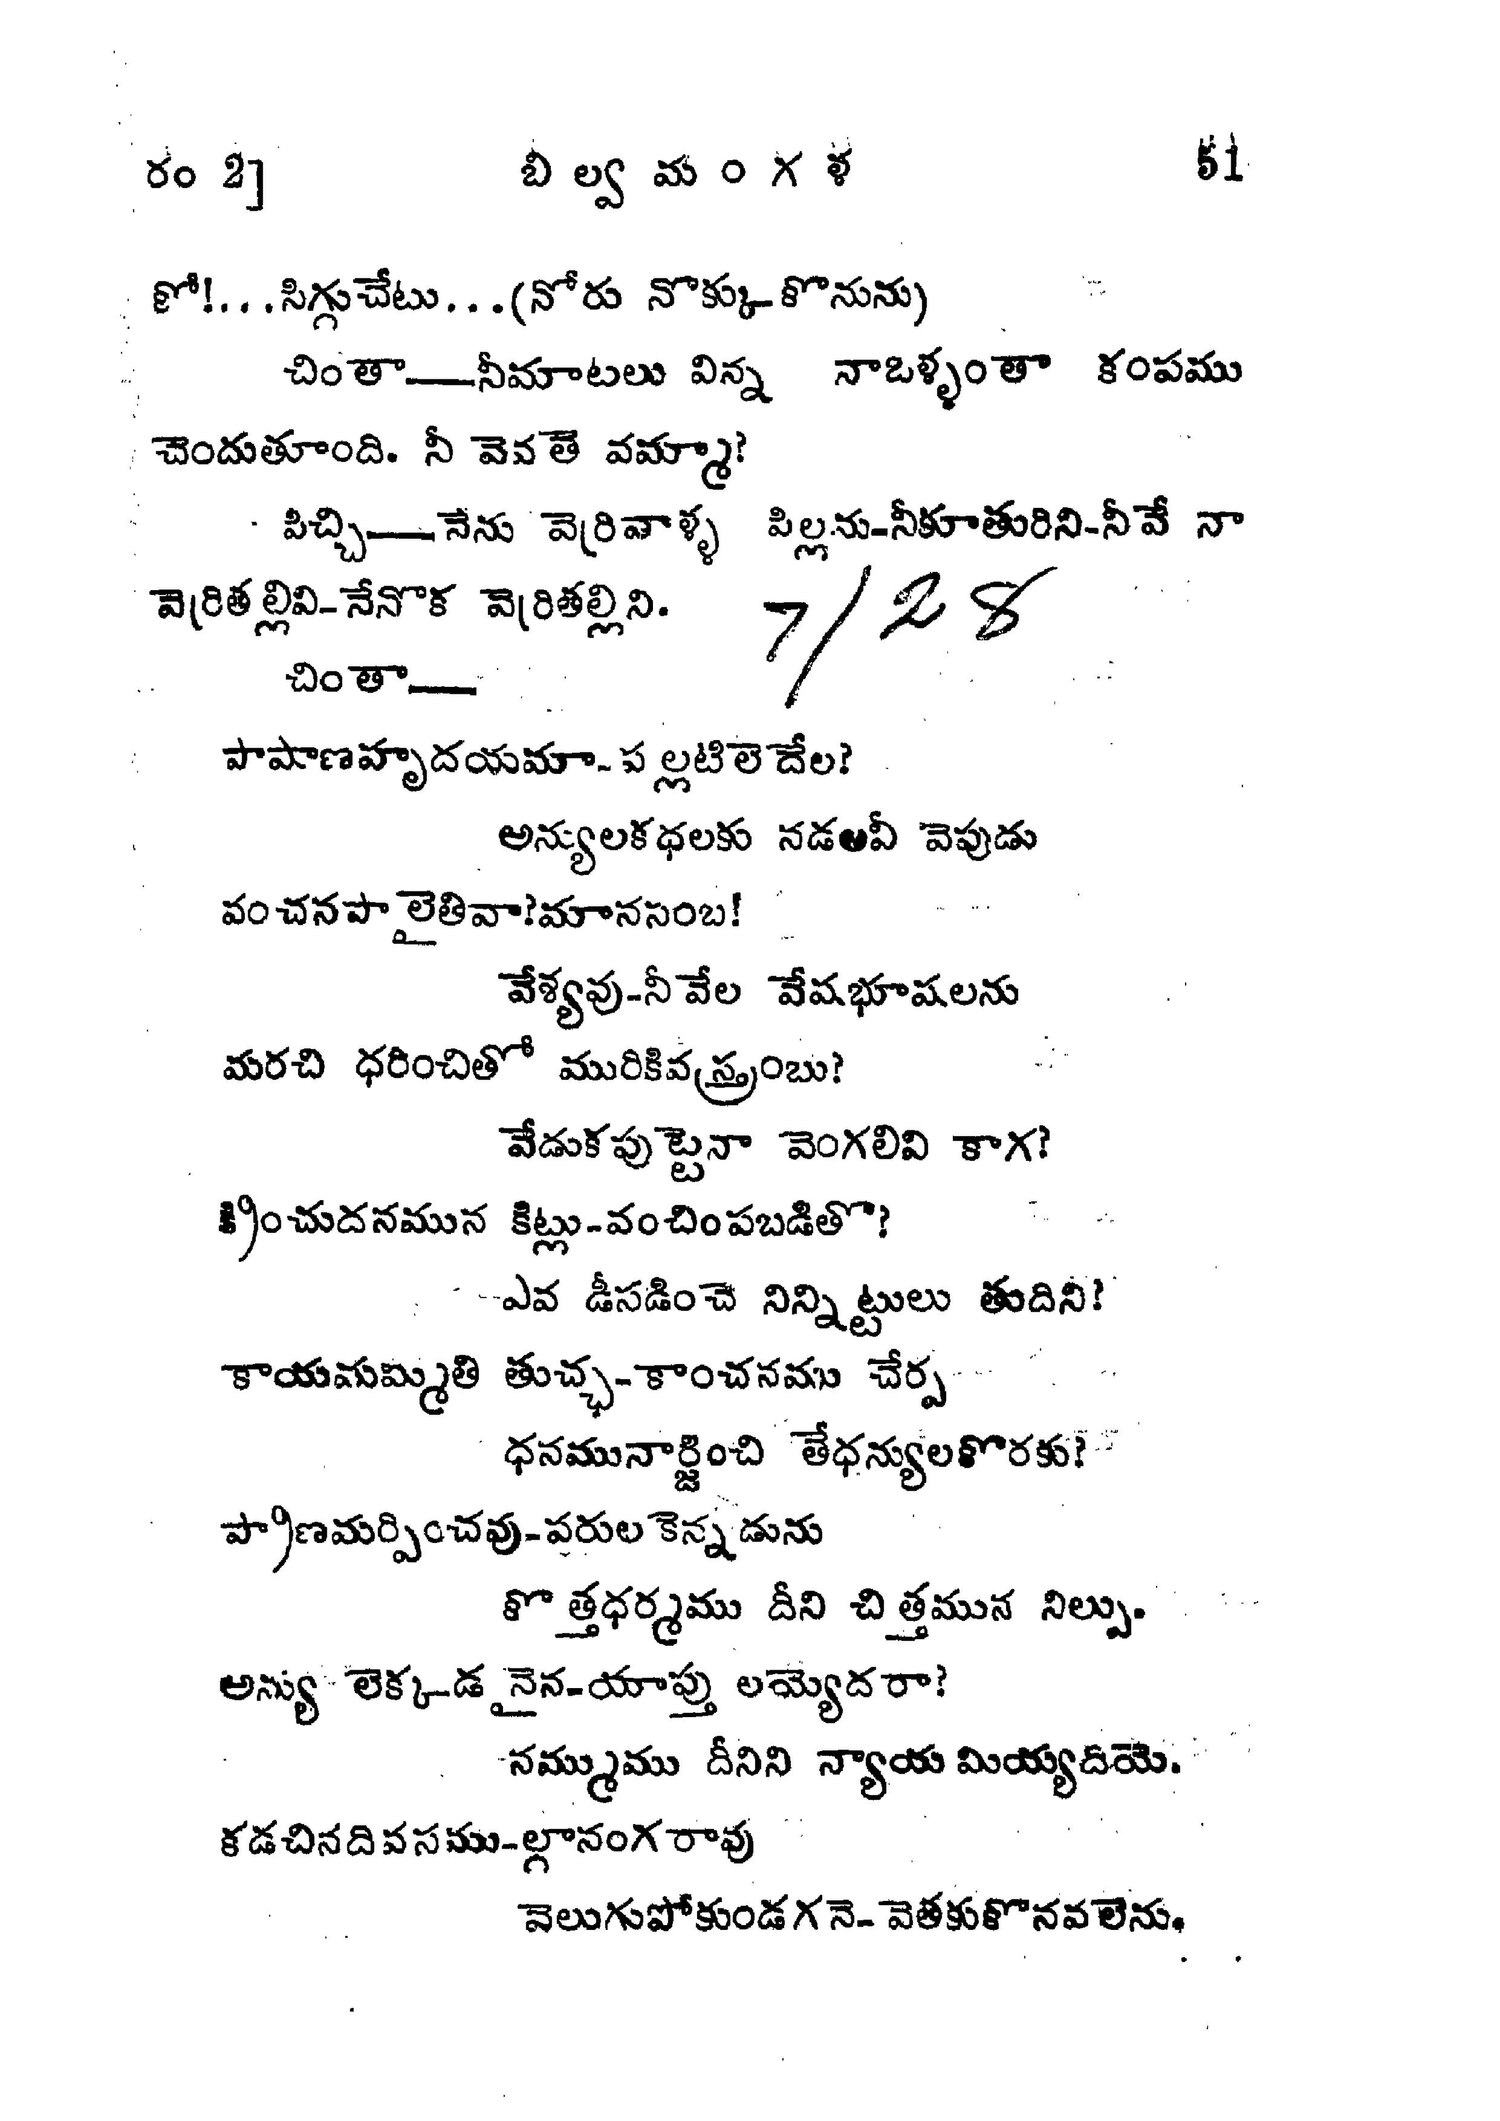కో!..సిగ్గుచేటు...(నోరు నొక్కుకొనును)

చింతా - నీమాటలు విన్న నాఒళ్ళంతా కంపము చెందుతూంది. నీ వెవతె వమ్మా?

పిచ్చి - నేను వెర్రివాళ్ళ పిల్లను-నీకూతురిని-నీవే నా వెర్రితల్లివి-నేనొక వెర్రితల్లిని.

చింతా -

 పాషాణహృదయమా-పల్లటిలెదేల?
 అన్యులకథలకు నడఅవీ వెపుడు
 వంచనపాలైతివా? మానసంబ!
 వేశ్యవు-నీ వేల వేషభూషలను
 మరచి ధరించితో మురికివస్త్రంబు?
 వేడుకపుట్టెనా వెంగలివి కాగ?
 క్రించుదనమున కిట్లు-వంచింపబడితొ?
 ఎవ డీసడించె నన్నిట్టులు తుదిని?
 కాయమమ్మితి తుచ్ఛ-కాంచనము చేర్ప
 ధనమునార్జించి తేధన్యులకొరకు?
 ప్రాణమర్పించవు-పరుల కెన్నడును
 కొత్తధర్మము దీని చిత్తమున నిల్పు.
 అన్యు లెక్కడనైన-యాప్తు లయ్యెదరా?
 నమ్ముము దీనిని న్యాయ మియ్యదియె.
 కడచినదివసము-ల్గానంగరావు
 వెలుగుపోకుండగనె-వెతకుకొనవలెను.